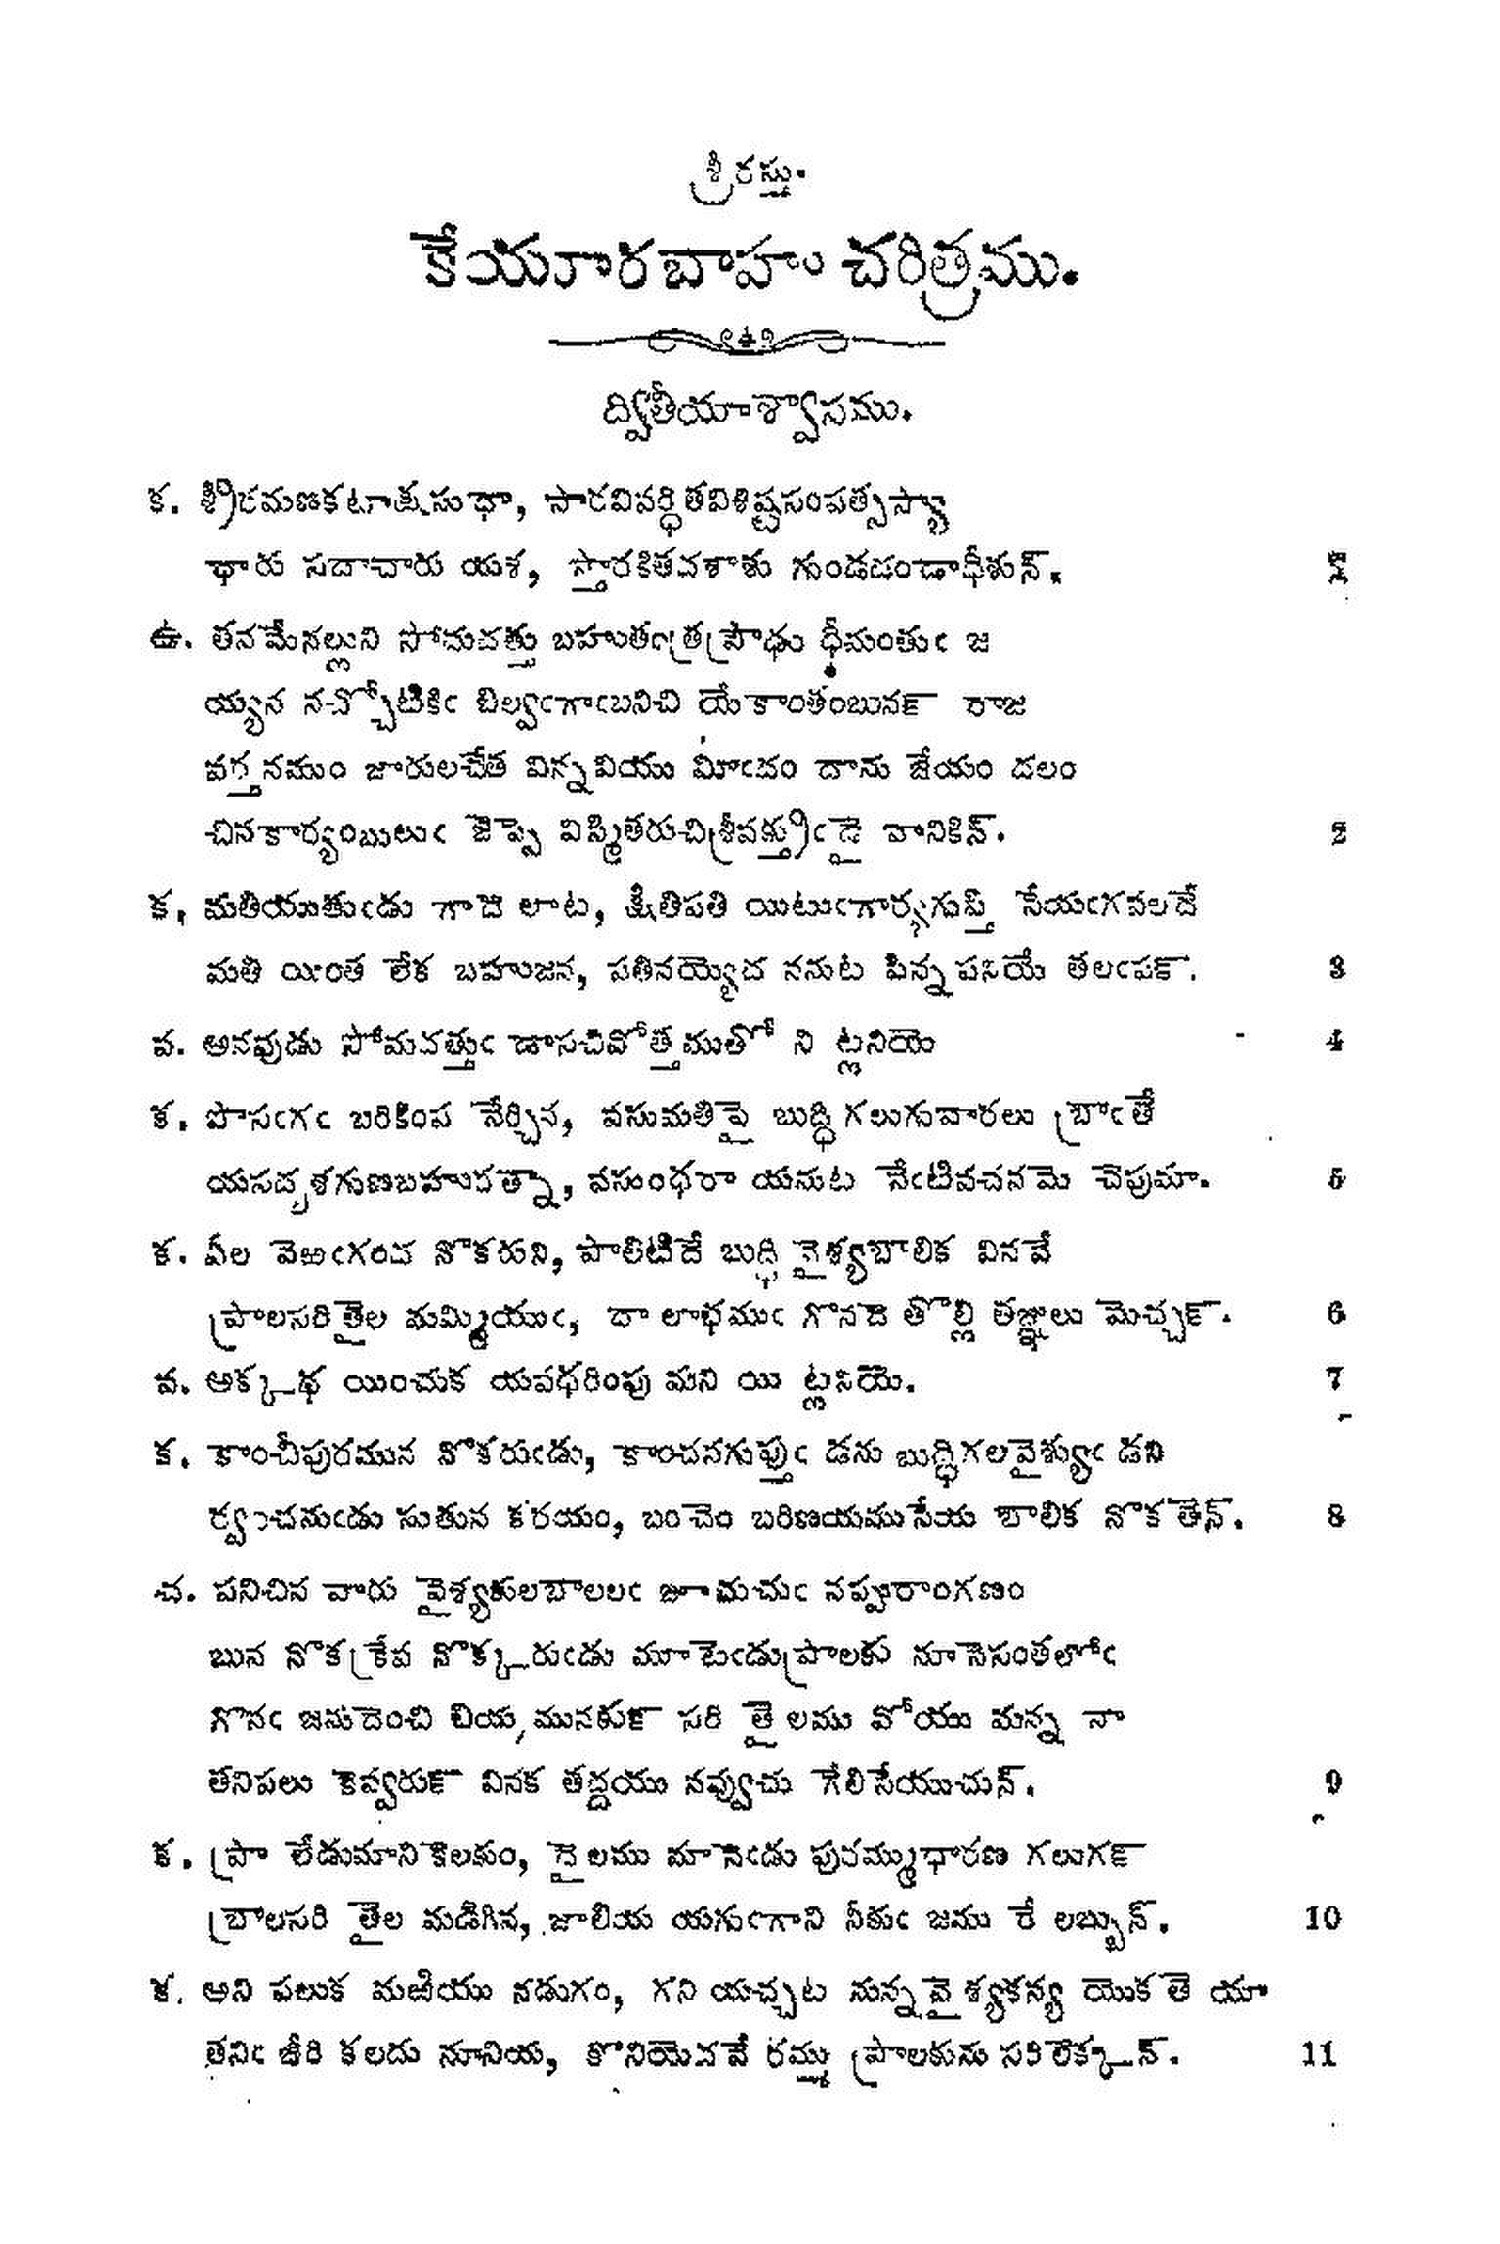కేయూరబాహుచరిత్రము

ద్వితీయాశ్వాసము.
క. శ్రీరమణకటాక్షసుధా, సారవివర్ధితవిశిష్టసంపత్సస్యా
 ధారు సదాచారు యశ, స్తారకితదశాశు గుండదండాధీశున్.
ఉ. తనమేనల్లుని సోమదత్తు బహుతంత్రప్రౌఢు ధీమంతుఁ జ
 య్యన నచ్చోటికిఁ బిల్వఁగాఁ బనిచి యేకాంతంబునన్ రాజ
 వర్తనముం జారులచేత విన్నవియు మీఁదం దాను జేయం దలం
 చిన కార్యంబులుఁ జెప్పె విస్మితరుచిశ్రీవక్త్రుఁడై వానికిన్.
క. మతియుతుఁడు గాదె లాట, క్షితిపతి యిటుఁ గార్యగుప్తి సేయఁగవలదే
 మతి యింత లేక బహుజన, పతి నయ్యెద ననుట పిన్నపనియే తలఁపన్.
వ. అనవుడు సోమదత్తుఁ డాసచివోత్తముతో నిట్లనియె.
క. పొసఁగఁ బరికింప నేర్చిన, వసుమతిపై బుద్ధి గలుగువారలు బ్రాఁతే
 యసదృశగుణబహురత్నా, వసుంధరా యనుట నేఁటివచనమె చెపుమా.
క. ఏల వెఱఁగంద నొకరుని, పాలిటిదే బుద్ధి వైశ్యబాలిక వినవే
 ప్రాలసరితైల మమ్మియుఁ, దా లాభముఁ గొనదె తొల్లి తజ్ఞులు మెచ్చన్.
వ. అక్కథ యించుక యవధరింపు మని యిట్లనియె.
క. కాంచీపురమున నొకరుఁడు, కాంచనగుప్తుఁ డను బుద్ధిగల వైశ్యుఁ డని
 ర్వంచనుఁడు సుతున కరయం, బంచెం బరిణయము సేయ బాలిక నొకతెన్.
చ. పనిచిన వారు వైశ్యకులబాలలఁ జూచుచుఁ నప్పురాంగణం
 బున నొకక్రేవ నొక్కరుఁడు మూటెఁడుప్రాలకు నూనెసంతలో
 గొనఁ జను దెంచి బియ్యమునకున్ సరి తైలము వోయుమన్న నా
 తనిపలు కెవ్వరున్ వినక తద్దయు నవ్వుచు గేలి సేయుచున్.
క. ప్రా లేడుమానికెలకుం, దైలము మానెడు పురమ్ముధారణ గలుగన్
 బ్రాలసరి తైల మడిగిన, జాలియ యగుఁగాని నీకుఁ జము రే లబ్బున్.
క. అని పలుక మఱియు నడుగం, గని యచ్చట నున్న వైశ్యకన్య యొకతె యా
 తనిఁ జీరి కలదు నూనియ, కొనియెదవే రమ్ము ప్రాలకును సరిలెక్కన్.